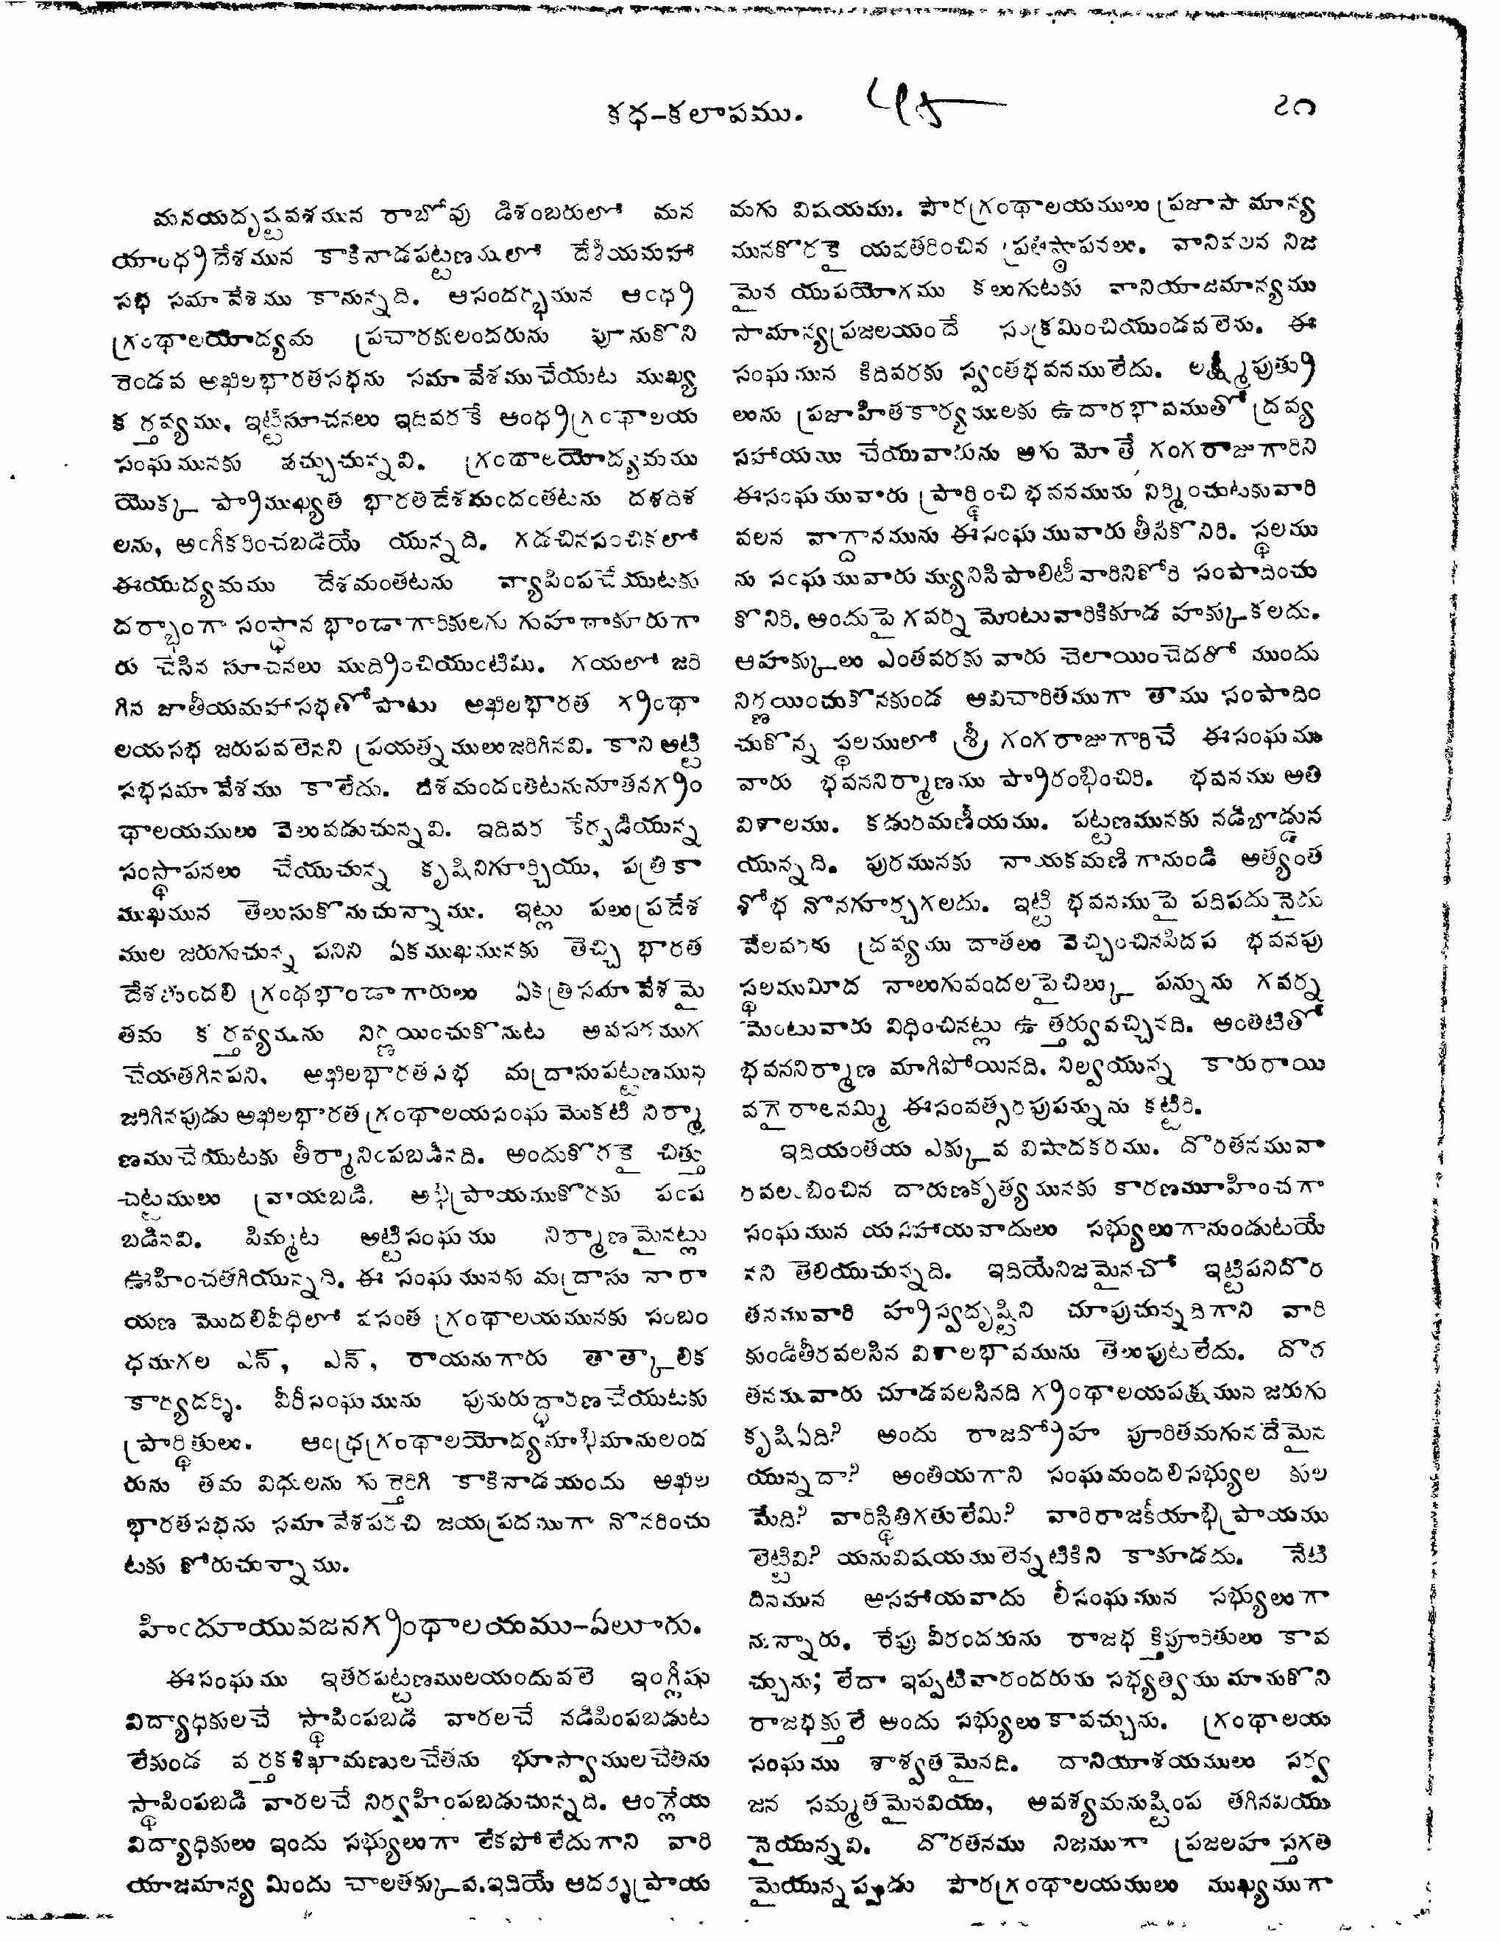మనయదృష్టవశమున రాబోవు డిశంబరులో యాంధ్ర దేశమున కాకినాడ పట్టణములో దేశీయమహాసభ సమావేశము కానున్నది. ఆసందర్భమున ఆంధ్రగ్రంథాలయోద్యమ ప్రచారకులందరును పూనుకొని రెండవ అఖిలభారతసభను సమావేశము చేయుట ముఖ్య
కర్తవ్యము. ఇట్టి సూచనలు ఇదివరకే ఆంధ్ర గ్రంథాలయ సంఘమునకు వచ్చుచున్నవి. గ్రంథాలయోద్యమము యొక్క ప్రాముఖ్యత భారతదేశమందంతటను దశదిశలను, అంగీకరించబడియే యున్నది. గడచిన సంచికలో ఈయుద్యమము దేశమంతటను వ్యాపింప చేయుటకు దర్భాంగా సంస్థాన భాండాగారికులను గుహఠాకూరుగారు చేసిన సూచనలు ముద్రించియుంటిమి. గయలో జరిగిన జాతీయమహా సభతో పాటు అఖిలభారత గ్రంథాలయసభ జరుపవలెనని ప్రయత్నములు జరిగినవి. కాని అట్టి సభ సమావేశము కాలేదు. దేశమందఁతటను నూతన గ్రంథలయములు వెలువడుచున్నవి. ఇదివర కేర్పడియున్న సంస్థాపనలు చేయుచున్న కృషినిగూర్చియు, పత్రికా ముఖమును తెలుసుకొనుచున్నాము. ఇట్లు పలు ప్రదేశముల జరుగుచున్న పనిని ఏక ముఖమునకు తెచ్చి భారత దేశమందలి గ్రంథభాండాగారులు ఏకత్ర సమావేశమై తమ కర్తవ్యమును నిర్ణయించుకొనుట అవసరముగ చేయతగినపని. అఖిలభారతసభ మద్రాసుపట్టణమున జరిగినపుడు అఖిలభారత గ్రంథాలయసంఘ మొకటి నిర్మాణముచేయుటకు తీర్మానింపబడినది. అందుకొరకై చిత్తు
చట్టములు వ్రాయబడి, అభిప్రాయముకొరకు పంపబడినవి. పిమ్మట అట్టి సంఘము నిర్మాణమైనట్లు ఊహించతగియున్నది. ఈ సంఘమునకు మద్రాసు నారాయణ మొదలివీధిలో వసంత గ్రంథాలయమునకు సంబంధముగల ఎన్.ఎన్. రాయనుగారు తాత్కాలిక
కార్యదర్శి. వీరీ సంఘమును పునురుద్ధారణ చేయుటకు ప్రార్థితులు. ఆంధ్రగ్రంథాలయోద్యమాభిమానులందరును తమ విధులను గుర్తెరిగి కాకినాడ యందు అఖిలభారతసభను సమావేశపరిచి జయప్రదముగా నొనరించుటకు కోరుచున్నాము.

ఈ సంఘము ఇతర పట్టణములయందువలె ఇంగ్లీషు విద్యాధికులచే స్థాపింపబడి వారలచే నడిపింపబడుట లేకుండ వర్తకశిఖామణుల చేతను భూస్వాములచేతను స్థాపింపబడి వారలచే నిర్వహింపబడుచున్నది. ఆంగ్లేయ విద్యాధికులు ఇందు సభ్యులుగా లేకపోలేదు గాని వారి యాజమాన్య మిందు చాలతక్కువ. ఇదియే ఆదర్శప్రాయమగు విషయము. పౌరగ్రంథాలయములు ప్రజాసామాన్యమునకొరకై యవతరించిన ప్రతిస్థాపనలు. వానివలన నిజమైన యుపయోగము కలుగుటకు వానియాజమాన్యము సామాన్యప్రజలయందే సుక్రమించి యుండవలెను. ఈ సంఘమున కిదివరకు స్వంత భవనములేదు. లక్ష్మీపుత్రులును ప్రజాహిత కార్యములకు ఉదార భావముతో ద్రవ్య
సహాయము చేయువాడును అగు మోతే గంగరాజుగారిని ఈసంఘమువారు ప్రార్థించి భవనమును నిర్మించుటకు వారివలన వాగ్దానమును 
ఈ సంఘమువారు తీసికొనిరి. స్థలమును సంఘమువారు మ్యునిసిపాలిటీ వారినికోరి సంపాదించు కొనిరి, అందుపై గవర్నమెంటు వారికి కూడ హక్కు కలదు. ఆహక్కులు ఎంతవరకు వారు చెలాయించెదరో ముందు నిర్ణయించుకొనకుండ అవిచారితముగా తాము 
సంపాదించుకొన్న స్థలములో శ్రీ గంగరాజుగారిచే ఈ సంఘము వారు భవననిర్మాణము ప్రారంభించిరి. భవనము అతి విశాలము. 
కడురమణీయము. పట్టణమునకు నడిబొడ్డున యున్నది. పురమునకు నాయకమణిగానుండి అత్యంతశోభ నొనగూర్చగలదు. ఇట్టి భవనముపై పదిపదునైదు వేలవరు ద్రవ్యము దాతలు వెచ్చించిన పిదప భవనపు స్థలముమీద నాలుగువందల పైచిల్కు పన్నును
గవర్నమెంటువారు విధించినట్లు ఉత్తర్వు వచ్చినది. అంతటితో భవననిర్మాణ మాగిపోయినది. నిల్వయున్న కారురాయి వగైరాలనమ్మి 
ఈ సంవత్సరపుపన్నును కట్టిరి.

ఇది యంతయ ఎక్కువ విషాదకరము. దొరతనమువారవల బించిన దారుణకృత్యమునకు కారణమూహించగా సంఘమున యసహాయ వాదులు సభ్యులుగానుండుటయే నని తెలియుచున్నది. ఇదియేనిజమైనచో ఇట్టిపనిదొరతనమువారి హస్వదృష్టిని చూపుచున్నదిగాని 
వారి కుండితీరవలసిన విశాల భావమును తెలుపుట లేదు. దొరతనము వారు చూడవలసినది గ్రంథాలయపక్షమున జరుగు
కృషి ఏది? అందు రాజద్రోహ పూరితమగునదేమైన యున్నదా? అంతియగాని సంఘమందిలి సభ్యుల కులమేది? వారిస్థితితులేమి? 
వారి రాజకీయాభిప్రాయము లెట్టివి? యనువిషయము లెన్నటికిని కాకూడదు. నేటి దినమున ఆసహాయవాదులీ సంఘమున సభ్యులుగా గా
నున్నారు. రేపు వీరందరును రాజభక్తిపూరితులు కావచ్చును; లేదా ఇప్పటివారందరును సభ్యత్వము మాచుకొని రాజభక్తులే అందు సభ్యులు కావచ్చును. గ్రంథాలయసంఘము శాశ్వతమైనది. దానియాశయములు సర్వజన సమ్మతమైనవియు, అవశ్యమనుష్టింప తగినవియునై యున్నవి. దొరతనము నిజముగా ప్రజలహస్తగతిమై యున్నప్పుడు పౌరగ్రంథాలయములం ముఖ్యముగా